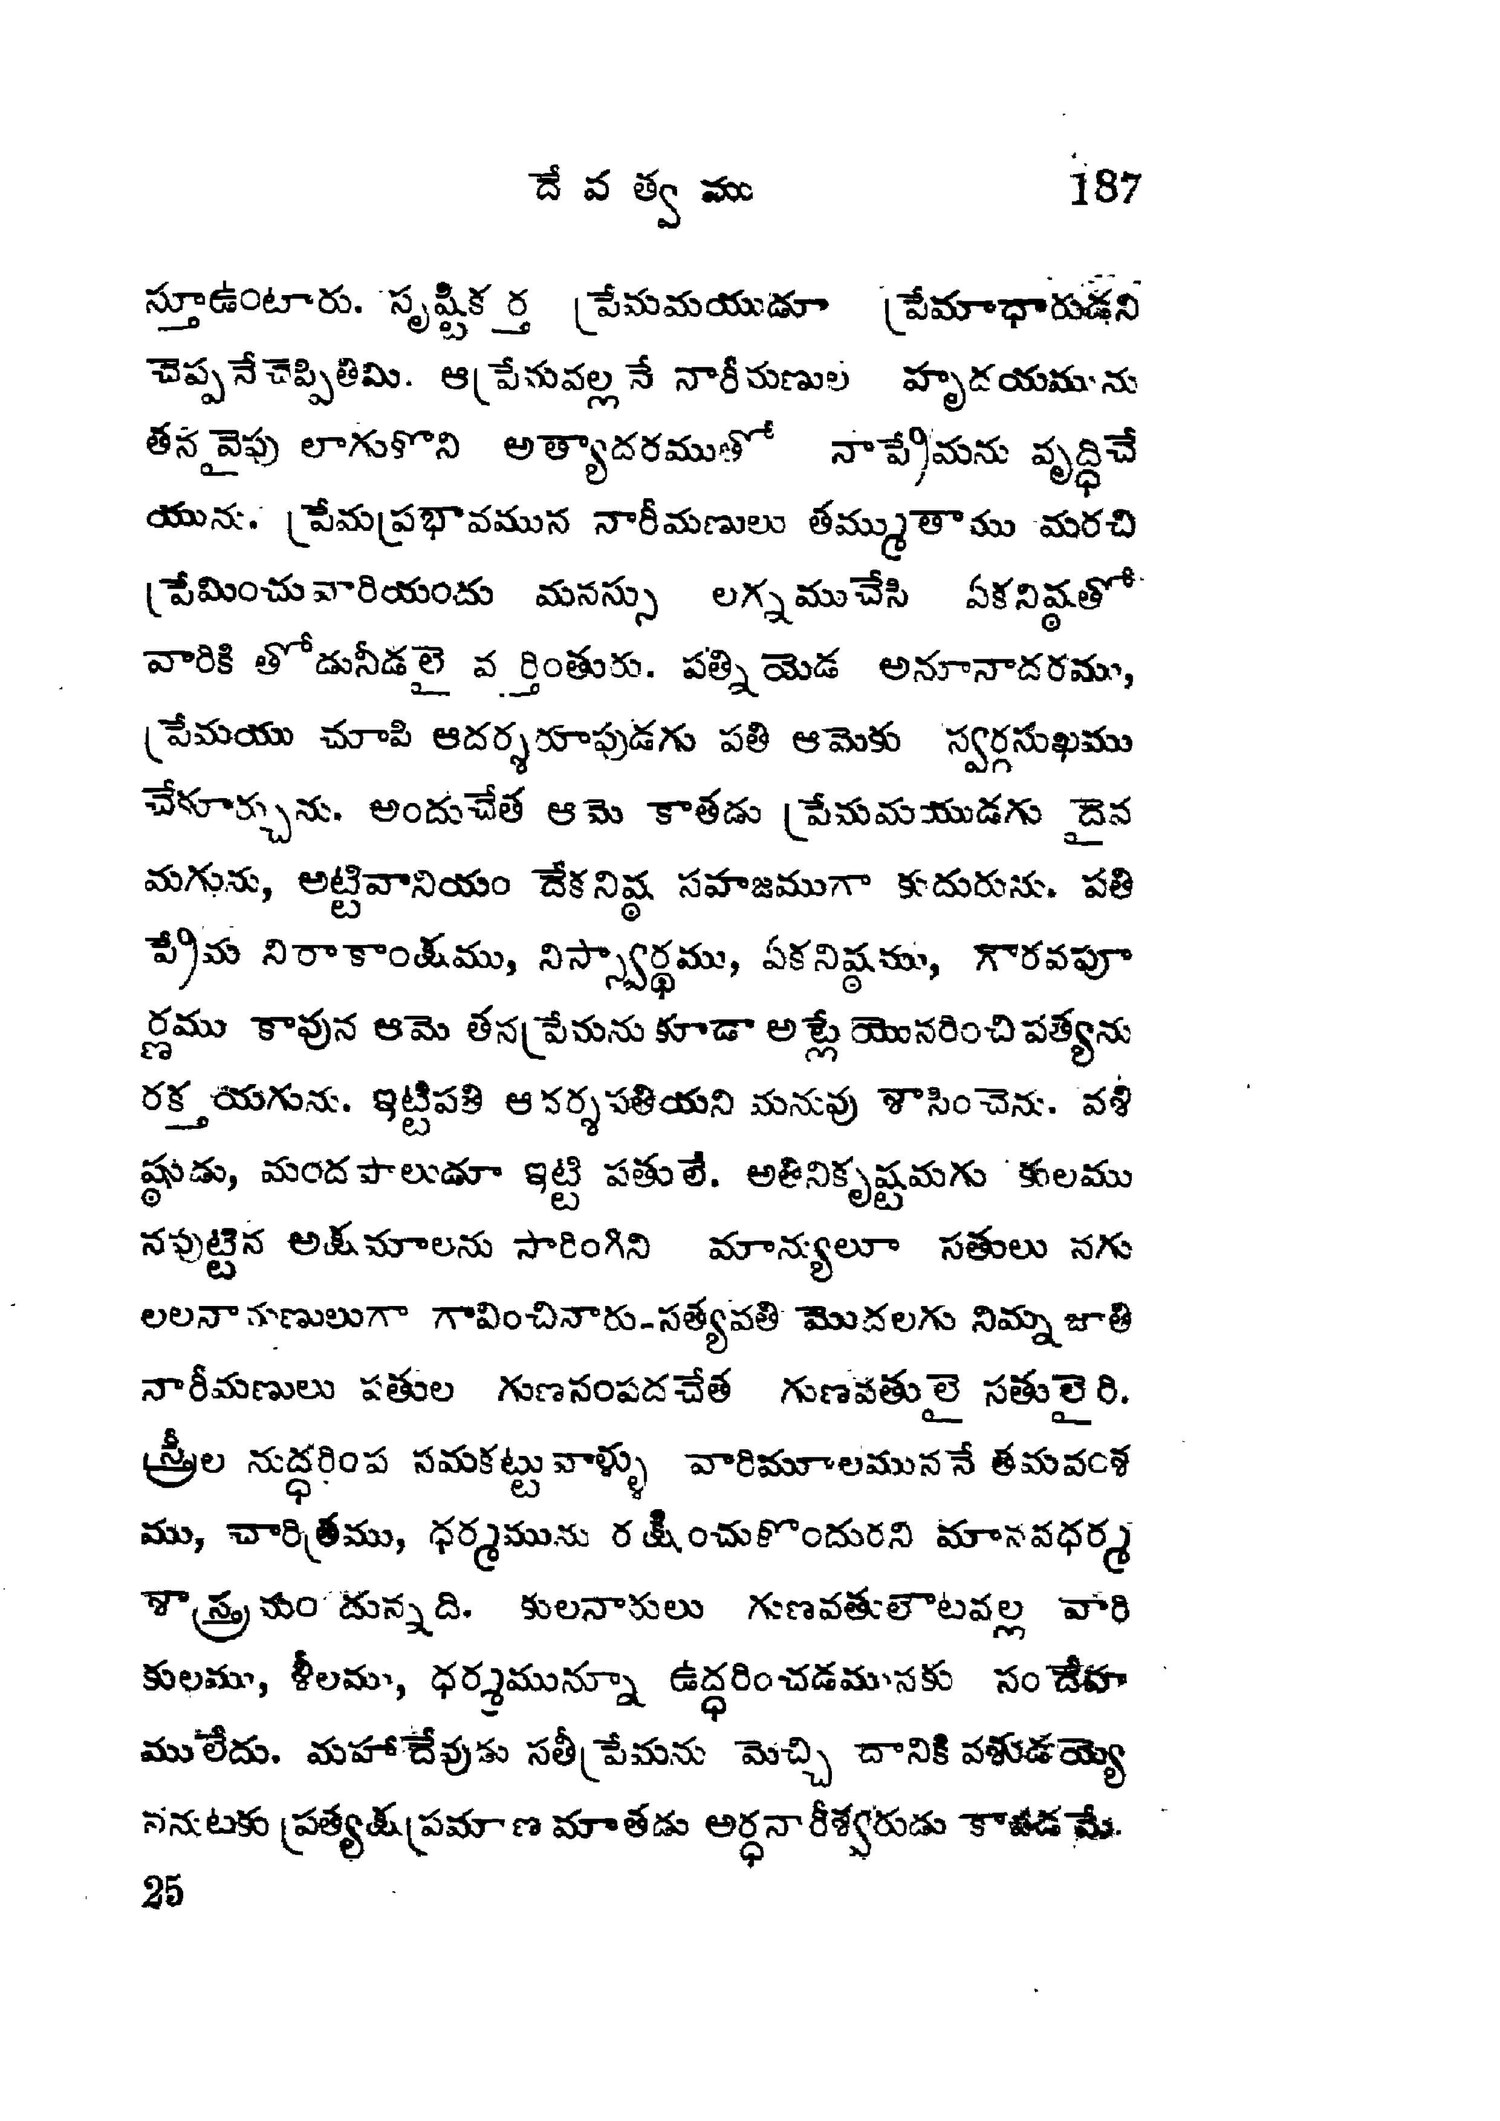స్తూఉంటారు. సృష్టికర్త ప్రేమమయుడూ ప్రేమాధారుడని చెప్పనేచెప్పితిమి. ఆప్రేమవల్లనే నారీమణుల హృదయమును తనవైపు లాగుకొని అత్యాదరముతో నాప్రేమను వృద్ధిచేయును. ప్రేమప్రభావమున నారీమణులు తమ్ముతాము మరచి ప్రేమించువారియందు మనస్సు లగ్నముచేసి ఏకనిష్ఠతో వారికి తోడునీడలై వర్తింతురు. పత్నియెడ అనూనాదరము, ప్రేమయు చూపి ఆదర్శరూపుడగు పతి ఆమెకు స్వర్గసుఖము చేకూర్చును. అందుచేత ఆమె కాతడు ప్రేమమయుడగు దైవ మగును. అట్టివానియం దేకనిష్ఠ సహజముగా కుదురును. పతిప్రేమ నిరాకాంక్షము, నిస్స్వార్థము, ఏకనిష్ఠము, గౌరవపూర్ణము కావున ఆమె తనప్రేమను కూడా అట్లే యొనరించి పత్యనురక్త యగును. ఇట్టిపతి ఆదర్శపతియని మనువు శాసించెను. వశిష్ఠుడు, మంద పాలుడూ ఇట్టి పతులే. అతినికృష్టమగు కులమునపుట్టిన అక్షమాలను సారింగిని మాన్యులూ సతులు నగు లలనామణులుగా గావించినారు - సత్యవతి మొదలగు నిమ్నజాతి నారీమణులు పతుల గుణసంపదచేత గుణవతులై సతులైరి. స్త్రీల నుద్ధరింప సమకట్టువాళ్ళు వారిమూలముననే తమవంశము, చారిత్రము, ధర్మమును రక్షించుకొందురని మానవధర్మ శాస్త్రమం దున్నది. కులనారులు గుణవతులౌటవల్ల వారి కులము, శీలము, ధర్మమున్నూ ఉద్ధరించడమునకు సందేహములేదు. మహాదేవుడు సతీప్రేమను మెచ్చి దానికి వశుడయ్యె ననుటకు ప్రత్యక్షప్రమాణ మాతడు అర్ధనారీశ్వరుడు కావడమే